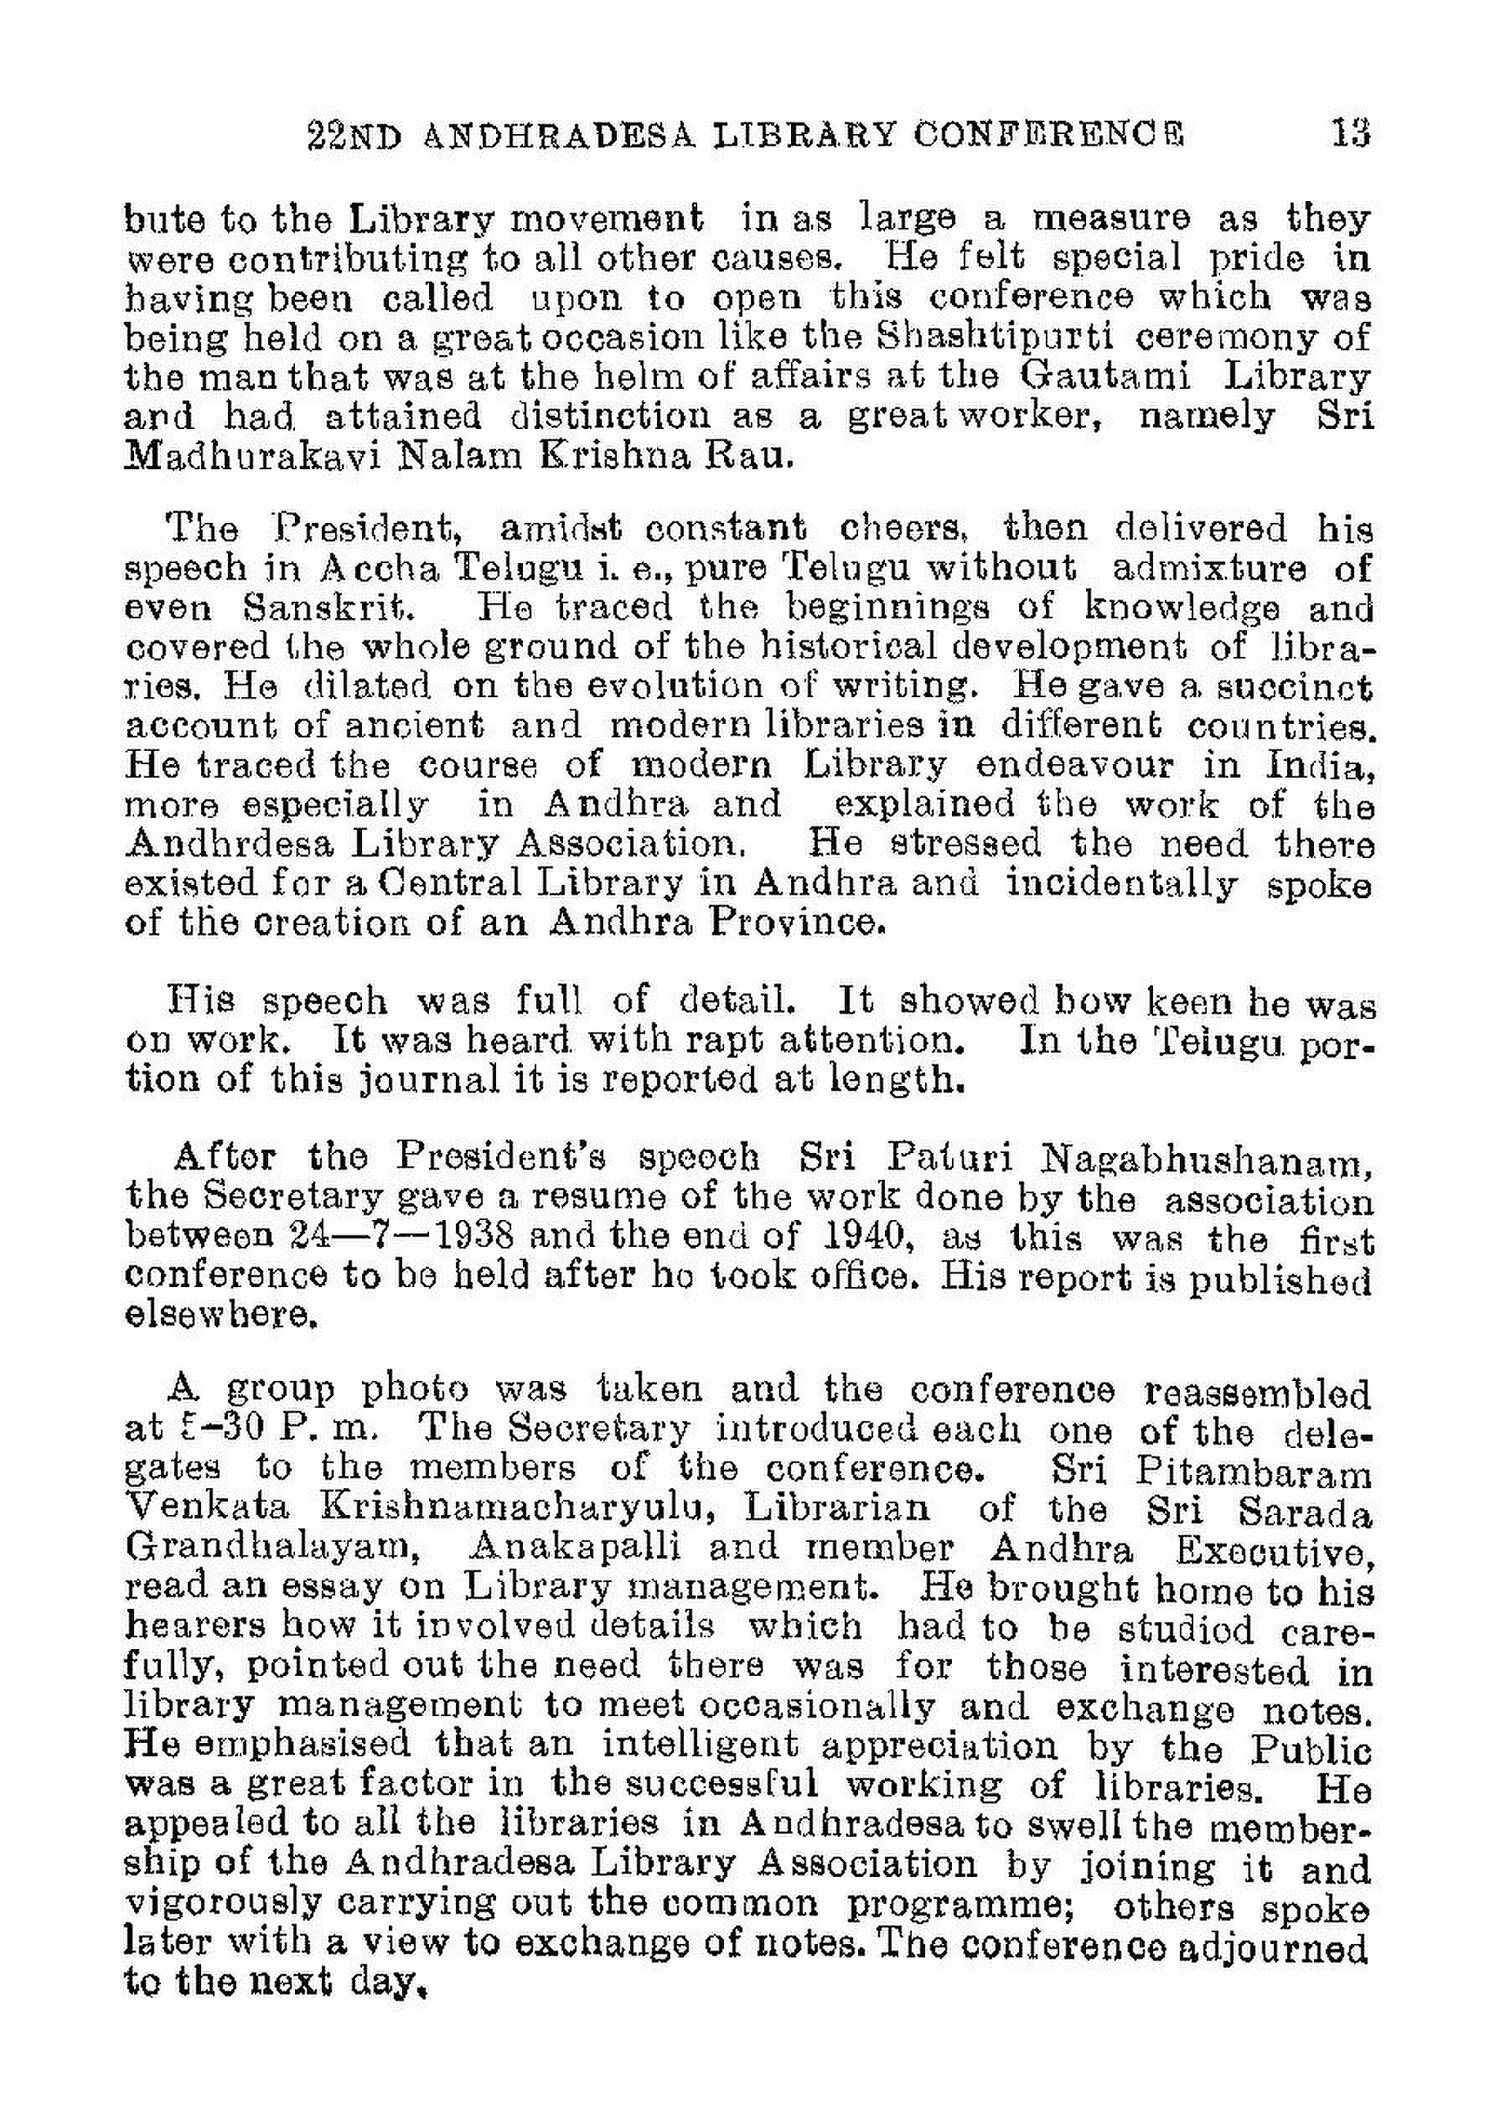bute to the Library movement in as large a measure as they were contributing to all other causes. He 
felt special pride in having been called upon to open this conference which was being held on a great 
occasion like the Shashtipurti ceremony of the man that was at the helm of affairs at the Gautami Library
and had attained distinction as a great worker, namely Sri Madhurakavi Nalam Krishna Rau.

The President, amidst constant cheers, then delivered his speech in Accha Telugu i.e., pure Telugu without admixture of even Sanskrit. He traced the beginnings of knowledge and covered the whole ground of the 
historical development of libraries. He dilated on the evolution of writing. He gave a succinct account 
of ancient and modern libraries in different countries. He traced the course of modern Library endeavor 
in India, more especially in Andhra and explained the work of the Andhrdesa Library Association. He 
stressed the need there existed for a Central Library in Andhra and incidentally spoke of the creation 
of an Andhra Province.

His speech was full of detail. It showed bow keen he was on work. It was heard with rapt attention.
In the Telugu portion of this journal it is reported at length. After the President's speech Sri Paturi Nagabhushanam, the Secretary gave a resume of the work done by the association between 24-7-1938 and the 
end of 1940, as this was the first conference to be held after ho took office. His report is published
elsewhere.

A group photo was taken and the conference reassembled at -30 P. m. The Secretary introduced each one 
of the delegates to the members of the conference. Sri Pitambaram Venkata Krishnamacharyulu, Librarian 
of the Sri Sarada Grandhalayam, Anakapalli and member Andhra Executive, read an essay on Library 
management. He brought home to his hearers how it involved details which had to be studied carefully, 
pointed out the need there was for those interested in library management to meet occasionally and 
exchange notes. He emphasized that an intelligent appreciation by the Public was a great factor in 
the successful working of libraries. He appealed to all the libraries in Andhradesa to swell the 
membership of the Andhradesa Library Association by joining it and vigorously carrying out the common 
programme; others spoke later with a view to exchange of notes. The conference adjourned to the 
next day.